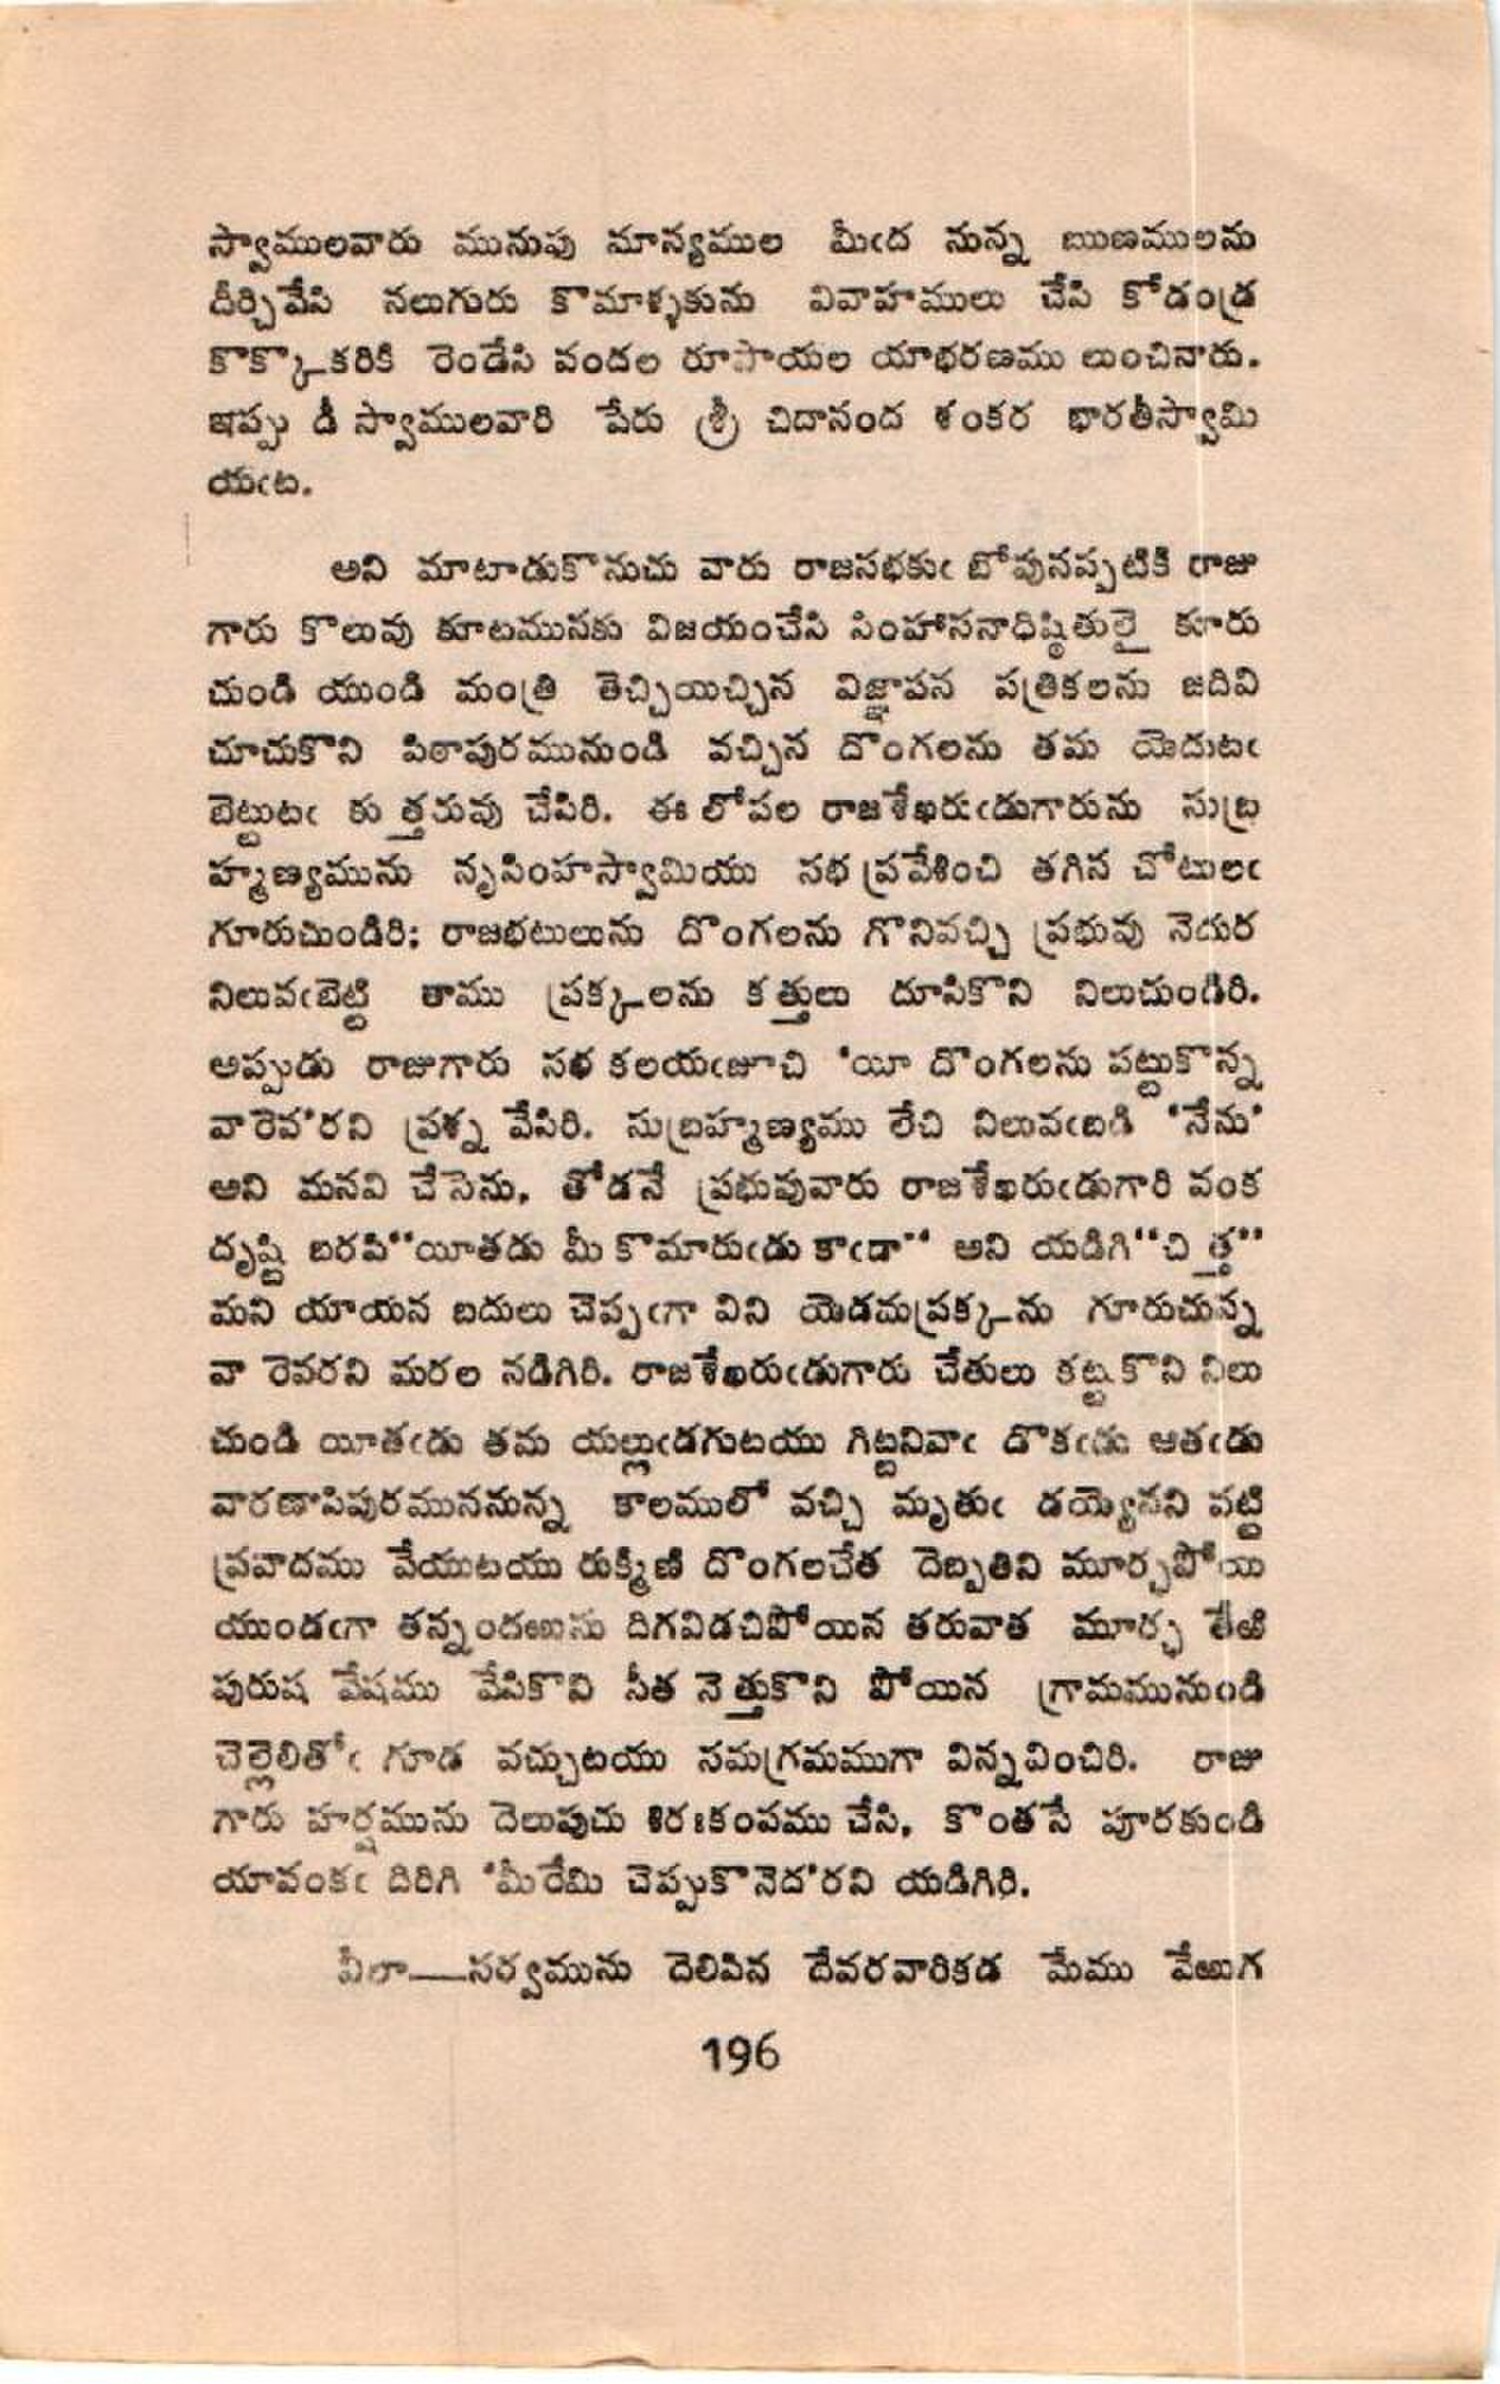స్వాములవారు మునుపు మాన్యముల మీఁద నున్న ఋణములను దీర్చివేసి నలుగురు కొమాళ్ళకును వివాహములు చేసి కోడండ్ర కొక్కొకరికి రెండేసి వందల రూపాయల యాభరణము లుంచినారు. ఇప్పు డీ స్వాములవారి పేరు శ్రీ చిదానంద శంకర భారతీస్వామి యఁట.

అని మాటాడుకొనుచు వారు రాజసభకుఁ బోవునప్పటికి రాజు గారు కొలువు కూటమునకు విజయంచేసి సింహాసనాధిష్టితులై కూరు చుండి యుండి మంత్రి తెచ్చియిచ్చిన విజ్ఞాపన పత్రికలను జదివి చూచుకొని పిఠాపురమునుండి వచ్చిన దొంగలను తమ యెదుటఁ బెట్టుట కుత్తరువు చేసిరి. ఈ లోపల రాజశేఖరఁడుగారును సుబ్ర హ్మణ్యమును నృసింహస్వామియు సభ ప్రవేశించి తగిన చోటులఁ గూరుచుండిరి; రాజభటులను దొంగలను గొనివచ్చి ప్రభువు నెదుర నిలువఁబెట్టి తాము ప్రక్కలను కత్తులు దూసికొని నిలుచుండిరి. అప్పుడు రాజుగారు సభ కలయఁజూచి "యీ దొంగలను పట్టుకొన్న వారెవరని ప్రశ్న పేసిరి. సుబ్రహ్మణ్యము లేచి నిలువఁబడి 'నేను' అని మనవి చేసెను, తోడనే ప్రభువువారు రాజశేఖరుడుగారి వంక దృష్టి బరపి"యీతడు మీ కొమారుఁడు కాఁడా" అని యడిగి"చిత్త" మని యాయన బదులు చెప్పఁగా విని యెడమప్రక్కను గూరుచున్న వారెవరని మరల నడిగిరి. రాజశేఖరుఁడుగారు చేతులు కట్టుకొని నిలుచుండి యిూతఁడు తమ యల్లుఁడగుటయు గిట్టనివాఁ డొకఁడు ఆతఁడు వారణాసిపురముననున్న కాలములో వచ్చి మృతుఁ డయ్యెనని వట్టి ప్రవాదము వేయుటయు రుక్మిణి దొంగలచేత దెబ్బతిని మూర్ఛపోయె యుండఁగా తన్నందఱును దిగవిడచిపోయిన తరువాత మూర్చ తేఱి పురుష వేషము వేసికొని సీత నెత్తుకొని పోయిన గ్రామమునుండి చెల్లెలితోఁ గూడ వచ్చుటయు సమగ్రమముగా విన్నవించిరి. రాజు గారు హర్షమును దెలుపుచు శిరఃకంపము చేసి, కొంతసే పూరకుండి యావంక దిరిగి 'మీరేమి చెప్పుకొనెద'రని యడిగిరి.

నీలా__సర్వమును దెలిపిన దేవరవారికడ మేము వేఱుగ